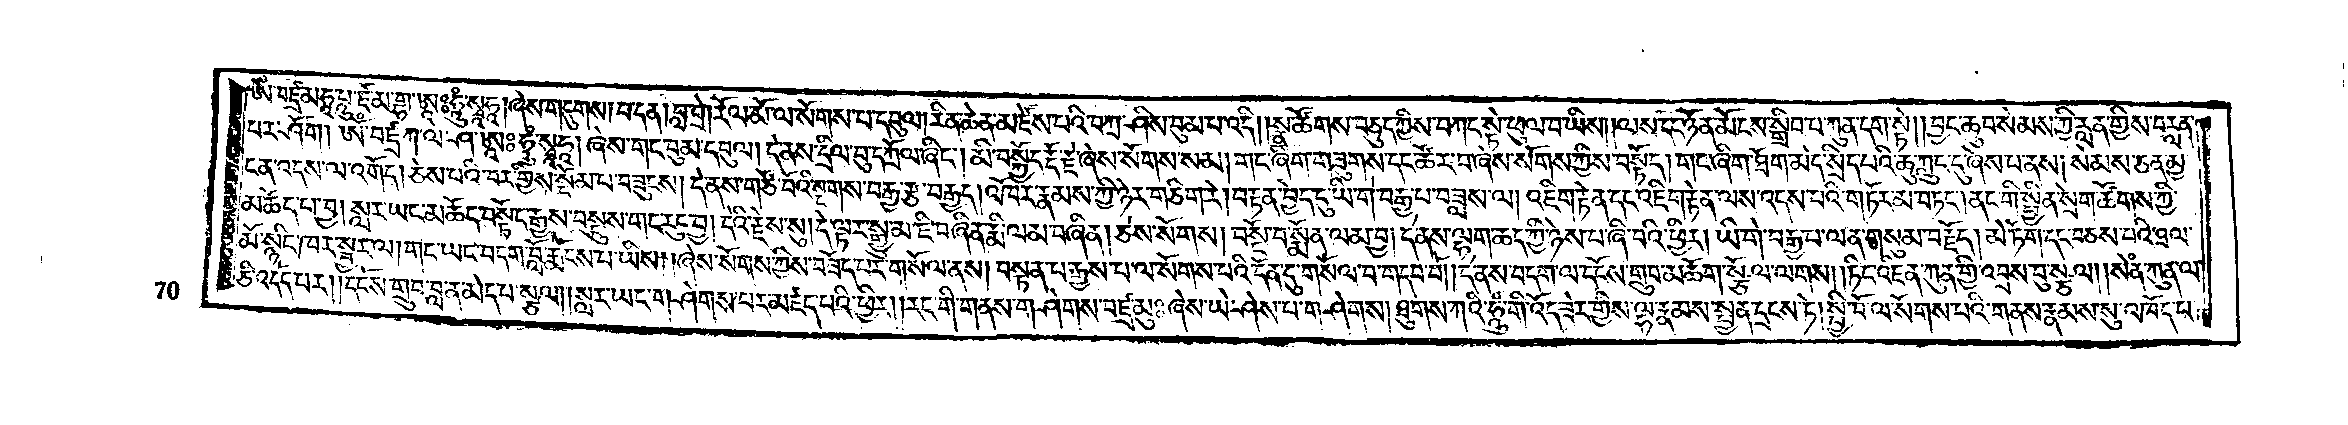ཨོཾ་བཛྲ་མཧཱ་པཱུ་ཇེ་མེ་གྷ་ཨཱཿ ཧཱུཾ་སྭཱ་ཧཱ། ཞེས་གདུགས། བ་དན། བླ་བྲེ། རོལ་མོ་ལ་སོགས་པ་དབུལ། རིན་ཆེན་མཛེས་པའི་བཀྲ་ཤིས་བུམ་པ་འདི། །སྣ་ཚོགས་བཅུད་ཀྱིས་བཀང་སྟེ་ཕུལ་བ་ཡིས། །ལས་དང་ཉོན་མོངས་སྒྲིབ་པ་ཀུན་དག་སྟེ། །བྱང་ཆུབ་སེམས་ཀྱི་རླན་གྱིས་བརླན་
པར་ཤོག །ཨོཾ་བཛྲ་ཀ་ལ་ཤ་ཨཱཿ ཧཱུཾ་སྭཱ་ཧཱ། ཞེས་གང་བུམ་དབུལ། དེ་ནས་དྲིལ་བུ་དཀྲོལ་ཞིང་། མི་བསྐྱོད་རྡོ་རྗེ་ཞེས་སོགས་སམ། གང་ཞིག་གཟུགས་དང་ཚོར་བ་ཞེས་སོགས་ཀྱིས་བསྟོད། གང་ཞིག་ཐོག་མེད་སྲིད་པའི་ཆུ་ཀླུང་དུ་ཞེས་པ་ནས། སེམས་ཅན་མྱ་
ངན་འདས་ལ་འགོད། ཅེས་པའི་བར་གྱིས་སྡོམ་པ་བཟུངས། དེ་ནས་གཙོ་བོའི་སྔགས་བརྒྱ་རྩ་བརྒྱད། འཁོར་རྣམས་ཀྱི་ཉེར་གཅིག་རེ། བརྟན་བྱེད་དུ་ཡི་གེ་བརྒྱ་པ་བཟླས་ལ། འཇིག་རྟེན་དང་འཇིག་རྟེན་ལས་འདས་པའི་གཏོར་མ་བཏང་། ནང་གི་སྦྱིན་སྲེག་ཚོགས་ཀྱི་
མཆོད་པ་བྱ། སླར་ཡང་མཆོད་བསྟོད་རྒྱས་བསྡུས་གང་རུང་བྱ། དེའི་རྗེས་སུ། དེ་ལྟར་སྒྱུ་མ་ཇི་བཞིན་རྨི་ལམ་བཞིན། ཅེས་སོགས། བསྔོ་བ་སྨོན་ལམ་བྱ། དེ་ནས་ལྷག་ཆད་ཀྱི་ཉེས་པ་ཞི་བའི་ཕྱིར། ཡི་གེ་བརྒྱ་པ་ལན་གསུམ་བརྗོད། མེ་ཏོག་དང་བཅས་པའི་ཐལ་
མོ་སྙིང་ཁར་སྦྱར་ལ། གང་ཡང་བདག་བློ་རྨོངས་པ་ཡིས། །ཞེས་སོགས་ཀྱིས་བཟོད་པར་གསོལ་ནས། བསྟན་པ་རྒྱས་པ་ལ་སོགས་པའི་དོན་དུ་གསོལ་བ་གདབ་བོ། །དེ་ནས་བདག་ལ་དངོས་གྲུབ་མཆོག་སྩོལ་ལགས། །ཏིང་འཛིན་ཀུན་གྱི་འབྲས་བུ་སྩལ། །སེམས་ཅན་ཀུན་ལ་
ཅི་འདོད་པར། །དངོས་གྲུབ་བླ་ན་མེད་པ་སྩལ། །སླར་ཡང་གཤེགས་པར་མཛད་པའི་ཕྱིར། །རང་གི་གནས་གཤེགས་བཛྲ་མུཿ ཞེས་ཡེ་ཤེས་པ་གཤེགས། ཐུགས་ཀའི་ཧཱུཾ་གྱི་འོད་ཟེར་གྱིས་ལྷ་རྣམས་སྤྱན་དྲངས་ཏེ། སྤྱི་བོ་ལ་སོགས་པའི་གནས་རྣམས་སུ་འཁོད་པ་